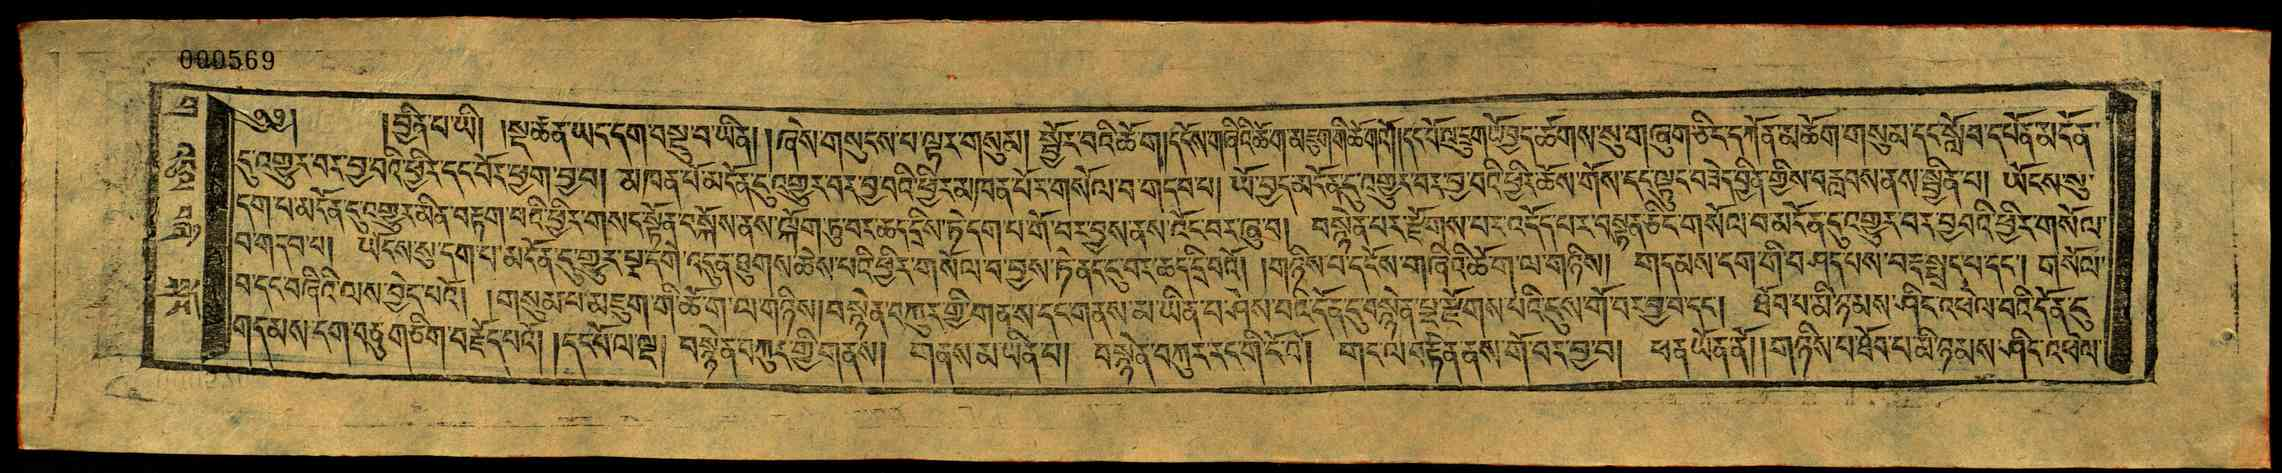༄༅། །བྱིན་པ་ཡི། །སྡེ་ཚན་ཡང་དག་བསྡུ་བ་ཡིན། ཞེས་གསུངས་པ་ལྟར་གསུམ། སྦྱོར་བའི་ཆོ་ག ། དངོས་གཞིའི་ཆོ་ག །མཇུག་གི་ཆོ་གའོ། །དང་པོ་ལ་དྲུག །ཡོ་བྱད་ཚགས་སུ་གཞུག་ཅིང་དགོན་མཆོག་གསུམ་དང་སློབ་དཔོན་མངོན
དུ་འགྱུར་པར་བྱ་བའི་ཕྱིར་དང་པོར་ཕྱག་བྱ་བ། མཁན་པོ་མངོན་དུ་འགྱུར་བར་བྱ་བའི་ཕྱིར་མཁན་པོར་གསོལ་བ་ག་དབང་། ཡོ་བྱད་མངོན་དུ་འགྱུར་བར་བྱ་བའི་ཕྱིར་ཆོས་གོས་དང་ལྷུང་བཟེད་བྱིན་གྱིས་བརླབས་ནས་སྦྱིན་པ། ཡོངས་སུ་
དག་པ་མངོན་དུ་འགྱུར་མིན་བརྟག་པའི་ཕྱིར་གསང་སྟོན་བསྐོས་ནས་ལྐོག་ཏུ་བར་ཆད་དྲིས་ཏེ་དག་པ་གོ་བར་བྱས་ནས་འོང་བར་ཞུ་བ། བསྙེན་པར་རྫོགས་པར་འདོད་པར་བསྟན་ཅིང་གསོལ་བ་མངོན་དུ་འགྱུར་བར་བྱ་བའི་ཕྱིར་གསོལ་
བ་གདབ་པ། ཡོངས་སུ་དག་པ་མངོན་དུ་གྱུར་པར་དག་འདུན་ཐུགས་ཆེས་པའི་ཕྱིར་གསོལ་བ་བྱས་ཏེ་ནང་དུ་བར་ཆད་དྲི་བའོ། །གཉིས་པ་དངོས་གཞིའི་ཆོ་ག་ལ་གཉིས། གདམས་ངག་གི་བཤད་པས་བརྡ་སྤྲད་པ་དང་། གསོལ་
བ་དང་བཞིའི་ལས་བྱེད་པའོ། །གསུམ་པ་མཇུག་གི་ཆོ་ག་ལ་གཉིས། བསྙེན་བཀུར་བྱི་གནས་དང་གནས་མ་ཡིན་པ་ཤེས་པའི་དོན་དུ་བསྙེན་པར་རྫོགས་པའི་དུས་གོ་བར་བྱ་བ་དང་། ཐོབ་པ་མི་ཉམས་ཤིང་འཕེལ་བའི་དོན་དུ་
གདམས་ངག་བཅུ་གཅིག་བརྗོད་པའོ། །དང་པོ་ལ་ལྔ། བསྙེན་བཀུར་གྱི་གནས། གནས་མ་ཡིན་པ། བསྙེན་བཀུར་རང་གི་ངོ་བོ། གར་ལ་བརྟན་ནས་གོ་བར་བྱ་བ། ཕན་ཡོན་ནོ། །གཉིས་པ་ཐོབ་པ་མི་ཉམས་ཤིང་འཕེལ་